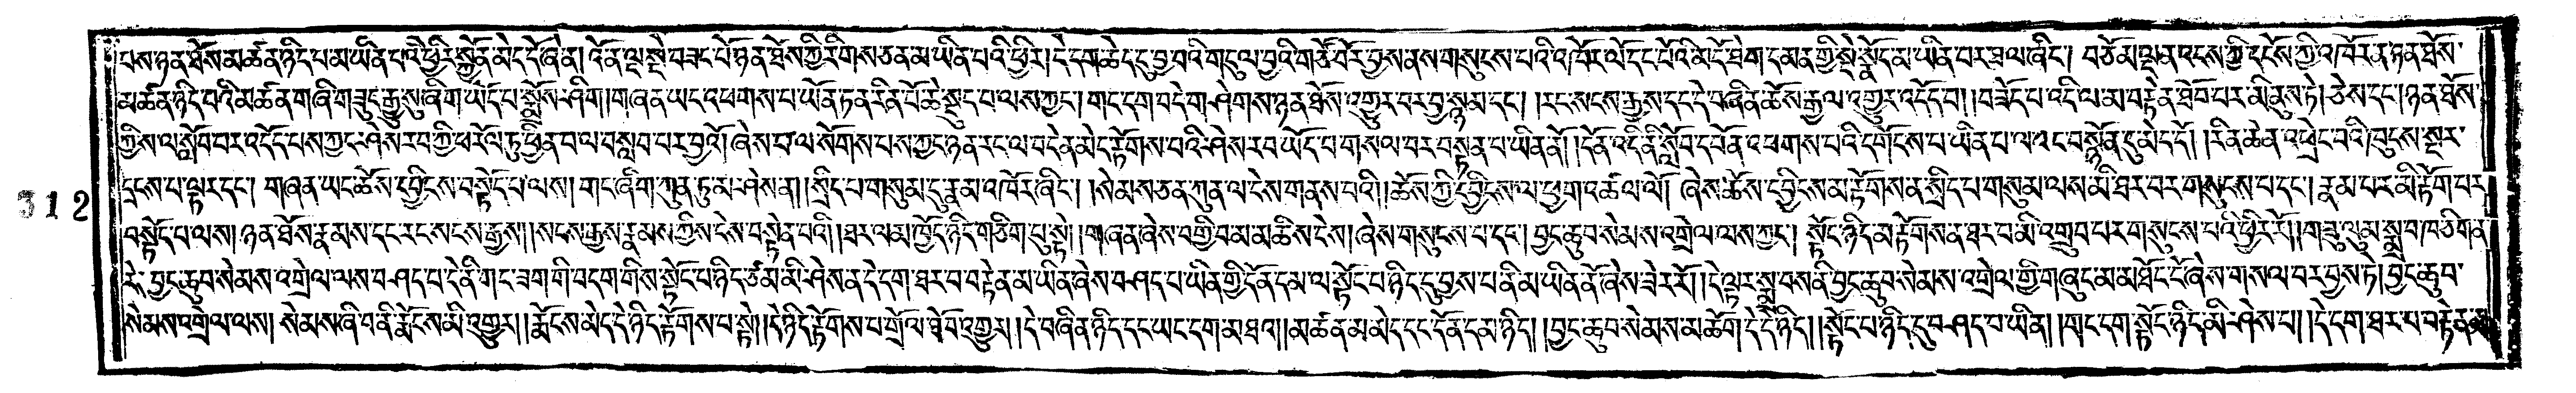པས་ཉན་ཐོས་མཚན་ཉིད་པ་མ་ཡིན་པའི་ཕྱིར་སྐྱོན་མེད་དོ་ཞེ་ན། འོ་ན་ལྔ་སྡེ་བཟང་པོ་ཉན་ཐོས་ཀྱི་རིགས་ཅན་མ་ཡིན་པའི་ཕྱིར། དེ་དག་ཆེད་དུ་བྱ་བའི་གདུལ་བྱའི་གཙོ་བོར་བྱས་ནས་གསུངས་པའི་འཁོར་ལོ་དང་པོའི་མདོ་ཐེག་དམན་གྱི་སྡེ་སྣོད་མ་ཡིན་པར་ཐལ་ཞིང་། བཅོམ་ལྡན་འདས་ཀྱི་འཁོར་ན་ཉན་ཐོས་
མཚན་ཉིད་པའི་མཚན་གཞི་གཟུང་རྒྱུ་སུ་ཞིག་ཡོད་པ་སྨྲོས་ཤིག །གཞན་ཡང་འཕགས་པ་ཡོན་ཏན་རིན་པོ་ཆེ་སྡུད་པ་ལས་ཀྱང་། གང་དག་བདེ་གཤེགས་ཉན་ཐོས་འགྱུར་བར་བྱ་སྙམ་དང་། །རང་སངས་རྒྱས་དང་དེ་བཞིན་ཆོས་རྒྱལ་འགྱུར་འདོད་བ། །བཟོད་པ་འདི་ལ་མ་བརྟེན་ཐོབ་པར་མི་ནུས་ཏེ། ཅེས་དང་། ཉན་ཐོས་
ཀྱིས་ལ་སློབ་པར་འདོད་པས་ཀྱང་ཤེས་རབ་ཀྱི་ཕ་རོལ་ཏུ་ཕྱིན་པ་ལ་བསླབ་པར་བྱའོ། ཞེས་པ་ལ་སོགས་པས་ཀྱང་ཉན་རང་ལ་བདེན་མེད་རྟོགས་པའི་ཤེས་རབ་ཡོད་པ་གསལ་བར་བསྟན་པ་ཡིན་ནོ། །དོན་འདི་ནི་སློབ་དཔོན་འཕགས་པའི་དགོངས་པ་ཡིན་པ་ལའང་བསྙོན་དུ་མེད་དོ། །རིན་ཆེན་འཕྲེང་བའི་ཁུངས་སྔར་
དྲངས་པ་ལྟར་དང་། གཞན་ཡང་ཆོས་དབྱིངས་བསྟོད་པ་ལས། །གང་ཞིག་ཀུན་ཏུ་མ་ཤེས་ན། །སྲིད་པ་གསུམ་དུ་རྣམ་འཁོར་ཞིང་། །སེམས་ཅན་ཀུན་ལ་ངེས་གནས་པའི། །ཆོས་ཀྱི་དབྱིངས་ལ་ཕྱག་འཚལ་ལོ། ཞེས་ཆོས་དབྱིངས་མ་རྟོགས་ན་སྲིད་པ་གསུམ་ལས་མི་ཐར་བར་གསུངས་པ་དང་། རྣམ་པར་མི་རྟོག་པར་
བསྟོད་པ་ལས། ཉན་ཐོས་རྣམས་དང་རང་སངས་རྒྱས། །སངས་རྒྱས་རྣམས་ཀྱི་ངེས་བསྟེན་པའི། །ཐར་ལམ་ཁྱོད་ཉིད་གཅིག་པུ་སྟེ། །གཞན་ཞེས་བགྱི་བ་མ་མཆིས་ངེས། ཞེས་གསུངས་པ་དང་། བྱང་ཆུབ་སེམས་འགྲེལ་ལས་ཀྱང་། སྟོང་ཉིད་མ་རྟོགས་ན་ཐར་པ་མི་འགྲུབ་པར་གསུངས་པའི་ཕྱིར་རོ། །གཟུ་ལུམ་སྨྲ་བ་ཁ་ཅིག་ན་
རེ༑ བྱང་ཆུབ་སེམས་འགྲེལ་ལས་བཤད་པ་དེ་ནི་གང་ཟག་གི་བདག་གིས་སྟོང་པ་ཉིད་ཙམ་མི་ཤེས་ན་དེ་དག་ཐར་བ་བརྟེན་མ་ཡིན་ཞེས་བཤད་པ་ཡིན་གྱི་དོན་དམ་ལ་སྟོང་པ་ཉིད་དུ་བྱས་པ་ནི་མ་ཡིན་ནོ་ཞེས་ཟེར་རོ། །དེ་ལྟར་སྨྲ་བས་ནི་བྱང་ཆུབ་སེམས་འགྲེལ་གྱི་གཞུང་མ་མཐོང་ངོ་ཞེས་གསལ་བར་བྱས་ཏེ། བྱང་ཆུབ་
སེམས་འགྲེལ་ལས། སེམས་ཞི་བ་ནི་རྨོངས་མི་འགྱུར། །རྨོངས་མེད་དེ་ཉིད་རྟོགས་པ་སྟེ། །དེ་ཉིད་རྟོགས་པ་གྲོལ་ཐོབ་འགྱུར། །དེ་བཞིན་ཉིད་དང་ཡང་དག་མཐའ། །མཚན་མ་མེད་དང་དོན་དམ་ཉིད། །བྱང་ཆུབ་སེམས་མཆོག་དེ་ཉིད། །སྟོང་པ་ཉིད་དུ་བཤད་པ་ཡིན། །གང་དག་སྟོང་ཉིད་མི་ཤེས་པ། །དེ་དག་ཐར་བ་བརྟེན་